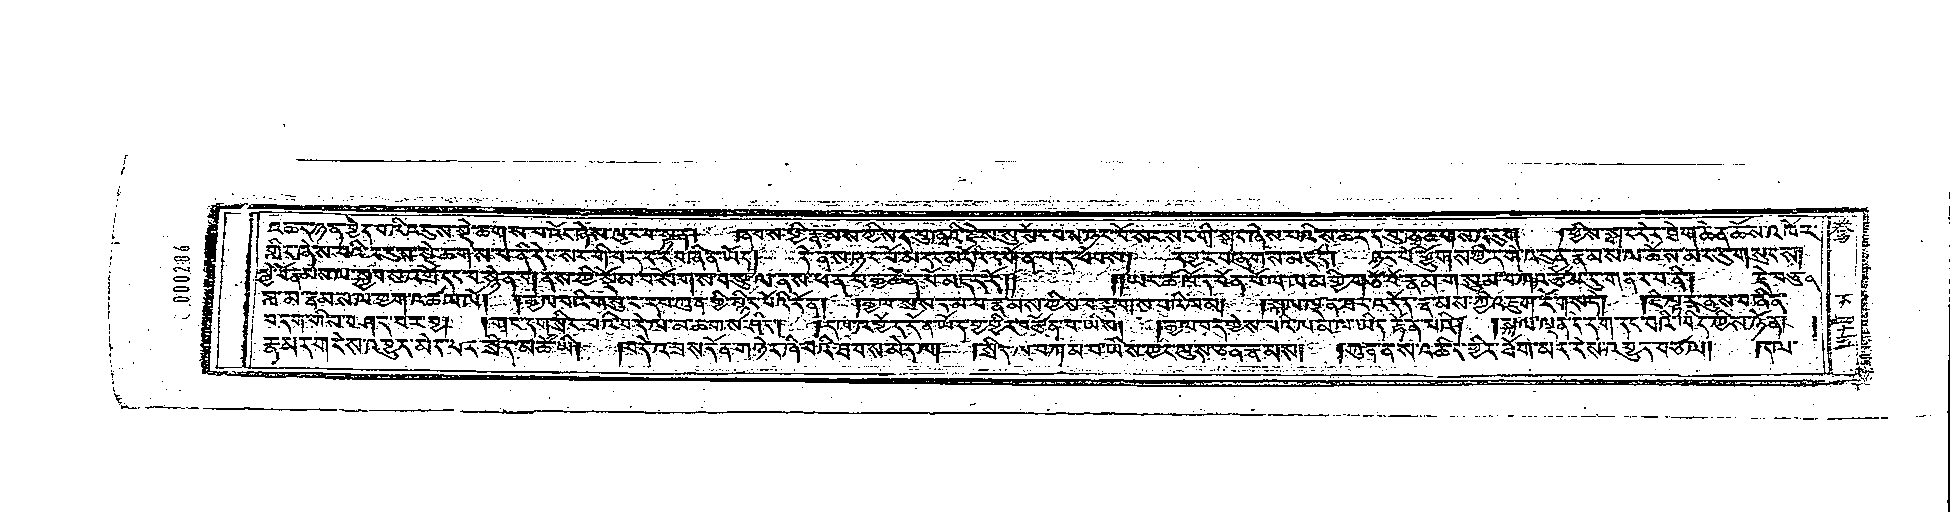འཆད་ཉན་བྱེད་པའི་འདུས་སྡེ་ཆགས་པ་འོང་ཞེས་ལུང་བསྟན། ཞབས་ཕྱི་རྣམས་ཀྱིས་དབུ་ཞྭའི་རྗེས་སུ་སོང་བས་ཉང་བོ་སང་སང་གི་སྒང་ཞེས་པའི་ས་ཆར་དབུ་ཞྭ་ནགས་འདུག །ཕྱིས་སྒར་དེར་ཐེག་ཆེན་ཆོས་འཁོར་
གླིང་ཞེས་པའི་དབུས་སྡེ་ཆགས་པ་ནི་དེང་སང་གི་བར་རར་བཞིན་ཡོད། དེ་ནས་ཉང་པོ་མདང་མདོའི་དགོན་པར་ཕེབས། དབྱར་བཞུགས་མཛད། ཉང་པོ་ཕྱོགས་ཀྱི་དགེ་འདུན་རྣམས་ལ་ཆོས་མང་དུ་གསུངས།
སྐྱེ་བོ་རྣམས་ལ་སྐྱབས་འགྲོ་དང་བསྙེན་གནས་ཀྱི་སྡོམ་པ་སོགས་བསྩལ་ནས་ཕན་པ་རྒྱ་ཆེན་པོ་མཛད་དོ།། །། ཡང་ཚ་ཁོ་དཔོན་པོ་ལ་ལམ་གྱི་གཙོ་བོ་རྣམས་གསུམ་བཀའ་རྩོམ་དུ་གནང་བ་ནི། རྗེ་བཙུན་
བླ་མ་རྣམས་ལ་ཕྱག་འཚལ་ལོ། །རྒྱལ་བའི་གསུང་རབ་ཀུན་གྱི་སྙིང་པོའི་དོན། །རྒྱལ་སྲས་དམ་པ་རྣམས་ཀྱིས་བསྔགས་པའི་ལམ། །སྐལ་ལྡན་ཐར་འདོད་རྣམས་ཀྱི་འཇུག་དོགས་དེ། །ཇི་ལྟར་ནུས་བཞིན་
བདག་གིས་བཤད་པར་བྱ། །གང་དག་སྲིད་པའི་བདེ་ལ་མ་ཆགས་ཤིང་། །དལ་འབྱོར་དོན་ཡོད་བྱ་ཕྱིར་བརྩོན་པ་ཡིས། །རྒྱལ་བ་དགྱེས་པའི་ལམ་ལ་ཡིད་རྟོན་པའི། །སྐལ་ལྡན་དེ་དག་དང་བའི་བིད་ཀྱིས་ཉོན། །
རྣམ་རག་ངེས་འབྱུར་མེད་པར་སྲིད་མཚོ་ཡི། །བདེ་འབྲས་དོན་གཉེར་ཞི་བའི་ཐབས་མེད་ལ། །སྲིད་ལ་བཀམ་པ་ཡིས་ཀྱང་ལུས་ཅན་རྣམས། །ཀུན་ནས་འཆིད་ཕྱིར་ཐོག་མར་ངེས་འབྱུང་བཙལ། །དལ་